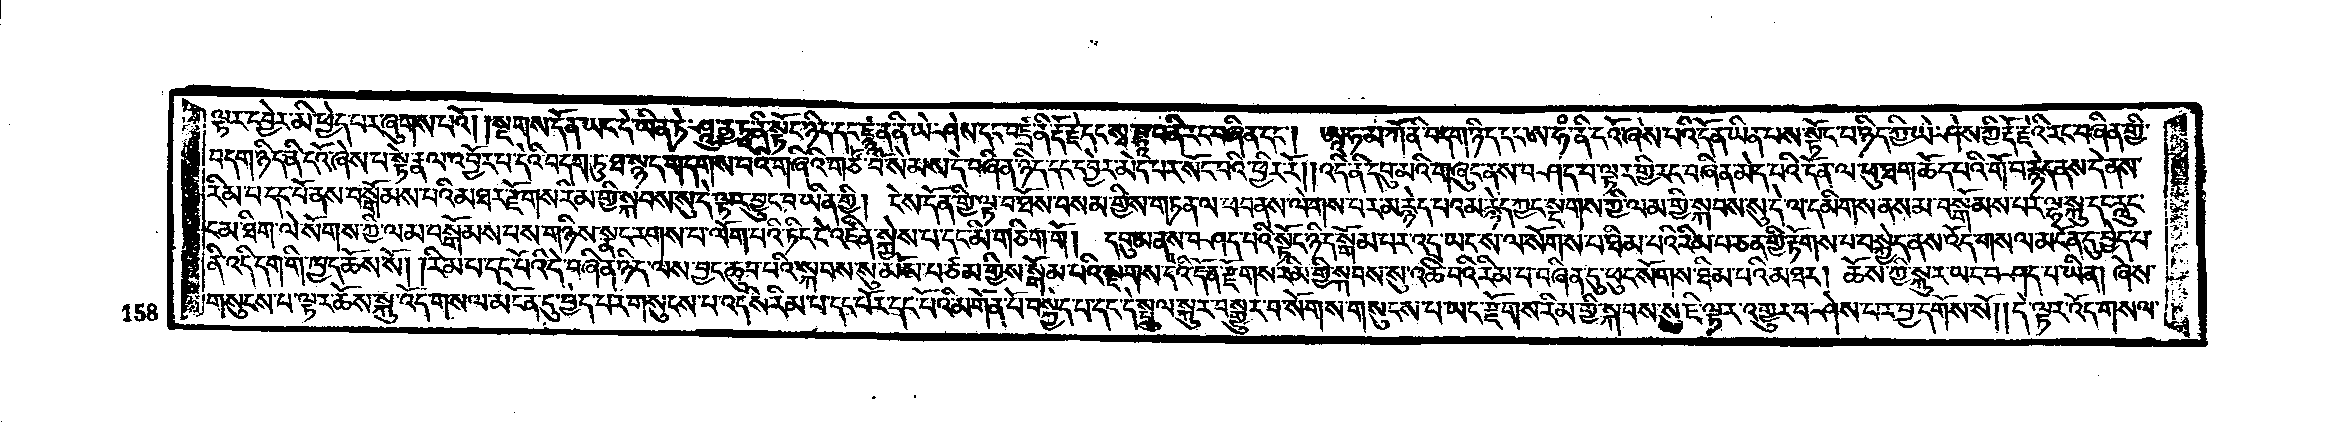ལྟར་དབྱེར་མི་ཕྱེད་པར་ཞུགས་པའོ། །སྔགས་དོན་ཡང་དེ་ཡིན་ཏེ་ཤཱུ་ཉ་ཏཱ་ནི་སྟོང་ཉིད་དང་ཛྙཱ་ན་ནི་ཡེ་ཤེས་དང་བཛྲ་ནི་རྡོ་རྗེ་དང་སྭ་བྷཱ་བ་ནི་རང་བཞིན་དང་། ཨཱཏ་མ་ཀོ་ནི་བདག་ཉིད་དང་ཨ་ཧཾ་ནི་ངའོ་ཞེས་པའི་དོན་ཡིན་པས་སྟོང་པ་ཉིད་ཀྱི་ཡེ་ཤེས་ཀྱི་རྡོ་རྗེའི་རང་བཞིན་གྱི་
བདག་ཉིད་ནི་དའོ་ཞེས་པ་སྟེ་རྣལ་འབྱོར་པ་དེའི་བདག་ཏུ་ཐ་སྙད་གདགས་པའི་གཞིའི་གཙོ་བོ་སེམས་དེ་བཞིན་ཉིད་དང་དབྱེར་མེད་པར་སོང་བའི་ཕྱིར་རོ། །འདི་ནི་དབུ་མའི་གཞུང་ནས་བཤད་པ་ལྟར་གྱི་རང་བཞིན་མེད་པའི་དོན་ལ་ཕུ་ཐག་ཆོད་པའི་གོ་བ་རྙེད་ནས་དེ་ནས་
རིམ་པ་དང་པོ་ནས་བསྒོམས་པའི་མཐར་རྫོགས་རིམ་གྱི་སྐབས་སུ་དེ་ལྟར་བྱུང་བ་ཡིན་གྱི། ངེས་དོན་གྱི་ལྟ་བ་ཐོས་བསམ་གྱིས་གཏན་ལ་ཕབ་ནས་ལེགས་པར་མ་རྙེད་པའམ་རྙེད་ཀྱང་སྔགས་ཀྱི་ལམ་གྱི་སྐབས་སུ་དེ་ལ་དམིགས་ནས་མ་བསྒོམས་པར་ལྷ་སྐུ་དང་རླུང་
ངམ་?་ཐིག་ལེ་སོགས་ཀྱི་ལམ་བསྒོམས་པས་གཉིས་སྣང་རགས་པ་ལོག་པའི་ཏིང་ངེ་འཛིན་སྐྱེས་པ་དང་མི་གཅིག་གོ། དབུ་མ་ནས་བཤད་པའི་སྟོང་ཉིད་སྒོམ་པར་འདྲ་ཡང་ས་ལ་སོགས་པ་ཐིམ་པའི་རིམ་པ་ཅན་གྱི་རྟོགས་པ་བསྐྱེད་ནས་འོད་གསལ་མངོན་དུ་བྱེད་པ་
ནི་འདི་དག་གི་ཁྱད་ཆོས་སོ། །རིམ་པ་དང་པོའི་དེ་བཞིན་ཉིད་ལས་བྱང་ཆུབ་པའི་སྐབས་སུ་མོས་པ་ཙམ་གྱིས་སྒོམ་པའི་སྔགས་དེའི་དོན་རྫོགས་རིམ་གྱི་སྐབས་སུ་འཆི་བའི་རིམ་པ་བཞིན་དུ་ཕུང་སོགས་ཐིམ་པའི་མཐར། ཆོས་ཀྱི་སྐུར་ཡང་བཤད་པ་ཡིན། ཞེས་
གསུངས་པ་ལྟར་ཆོས་སྐུ་འོད་གསལ་མངོན་དུ་བྱེད་པར་གསུངས་པ་འདིས་རིམ་པ་དང་པོར་དང་པོའི་མགོན་པོ་བསྐྱེད་པ་དང་དེ་སྤྲུལ་སྐུར་བསྒྱུར་བ་སོགས་གསུངས་པ་ཡང་རྫོགས་རིམ་གྱི་སྐབས་སུ་ཇི་ལྟར་འགྱུར་བ་ཤེས་པར་བྱ་དགོས་སོ། །དེ་ལྟར་འོད་གསལ་